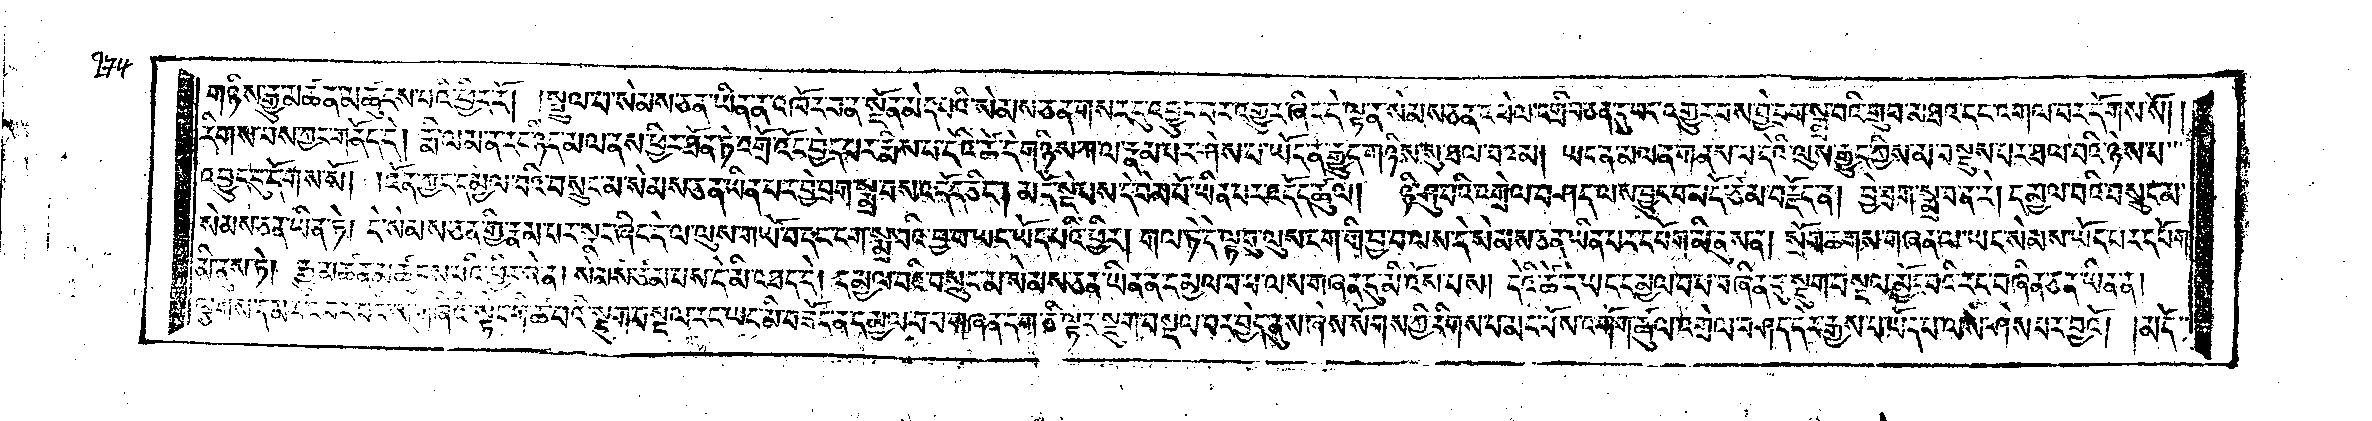གཉིས་རྒྱུ་མཚན་མཚུངས་པའི་ཕྱིར་རོ། །སྤྲུལ་བ་སེམས་ཅན་ཡིན་ན་འཁོར་བ་ན་སྔོན་མེད་པའི་སེམས་ཅན་གསར་དུ་འབྱུང་བར་འགྱུར་ཞིང་དེ་ལྟ་ན་སེམས་ཅན་འཕེལ་འགྲིབ་ཅན་དུ་ཡང་འགྱུར་བས་བྱེ་བྲག་སྨྲ་བའི་གྲུབ་མཐའ་དང་འགལ་བར་དོགས་སོ།།
རིགས་པས་ཀྱང་གནོད་དེ། རྨི་ལམ་ན་རང་ཉིད་མལ་ནས་ཕྱིར་ཐོན་ཏེ་འགྲོ་འོང་བྱེད་པར་རྨིས་པ་དེའི་ཚེ་དེ་གཉིས་ཀ་ལ་རྣམ་པར་ཤེས་པ་ཡོད་ན་རྒྱུད་གཉིས་སུ་ཐལ་བའམ། ཡང་ན་མལ་ན་གནས་པ་དེའི་ལུས་རྒྱུད་ཀྱིས་མ་བསྡུས་པར་ཐལ་བའི་ཉེས་པ་
འབྱུང་དུ་དོགས་སོ། །འོན་ཀྱང་དམྱལ་བའི་བསྲུང་མ་སེམས་ཅན་ཡིན་པར་བྱེ་བྲག་སྨྲ་བས་འདོད་ཅིང་། མདོ་སྡེ་པས་དེ་བེམ་པོ་ཡིན་པར་འདོད་ཚུལ། ཉི་ཤུ་བའི་འགྲེལ་བཤད་ལས་བྱུང་བ་མདོ་ཙམ་བརྗོད་ན། བྱེ་བྲག་སྨྲ་བ་ན་རེ། དམྱལ་བའི་བསྲུང་མ་
སེམས་ཅན་ཡིན་ཏེ། དེ་སེམས་ཅན་གྱི་རྣམ་པར་སྣང་ཞིང་དེ་ལ་ལུས་གཡོ་བ་དང་ངག་སྨྲ་བའི་བྱ་བ་ཡང་ཡོད་པའི་ཕྱིར། གལ་ཏེ་དེ་ལྟ་བུ་ལུས་ངག་གི་བྱ་བ་ལས་དེ་སེམས་ཅན་ཡིན་པར་དཔོག་མི་ནུས་ན། སྲོག་ཆགས་གཞན་ལ་ཡང་སེམས་ཡོད་པར་དཔོག་
མི་ནུས་ཏེ། རྒྱུ་མཚན་མཚུངས་པའི་ཕྱིར་ཞེ་ན། སེམས་ཙམ་པས་དེ་མི་འཐད་དེ། དམྱལ་བའི་བསྲུང་མ་སེམས་ཅན་ཡིན་ན་དམྱལ་བ་པ་ལས་གཞན་དུ་མི་འོས་པས། དེའི་ཚེ་དེ་ཡང་དམྱལ་བ་པ་བཞིན་དུ་སྡུག་བསྔལ་མྱོང་བའི་རང་བཞིན་ཅན་ཡིན་ན།
ལྕགས་དམར་འབར་བའི་ས་གཞིའི་སྟེང་གི་ཚ་བའི་སྡུག་བསྔ་རང་ཡང་མི་བཟོད་ན་དམྱལ་བ་གཞན་དག་ཅི་ལྟར་སྡུག་བསྔལ་བར་བྱེད་ནུས་ཞེས་སོགས་ཀྱི་རིགས་པ་མང་པོས་འགོག་ཚུལ་འགྲེལ་བཤད་དེར་རྒྱས་པ་ཡོད་པ་ལས་ཤེས་པར་བྱའོ། །མདོ་